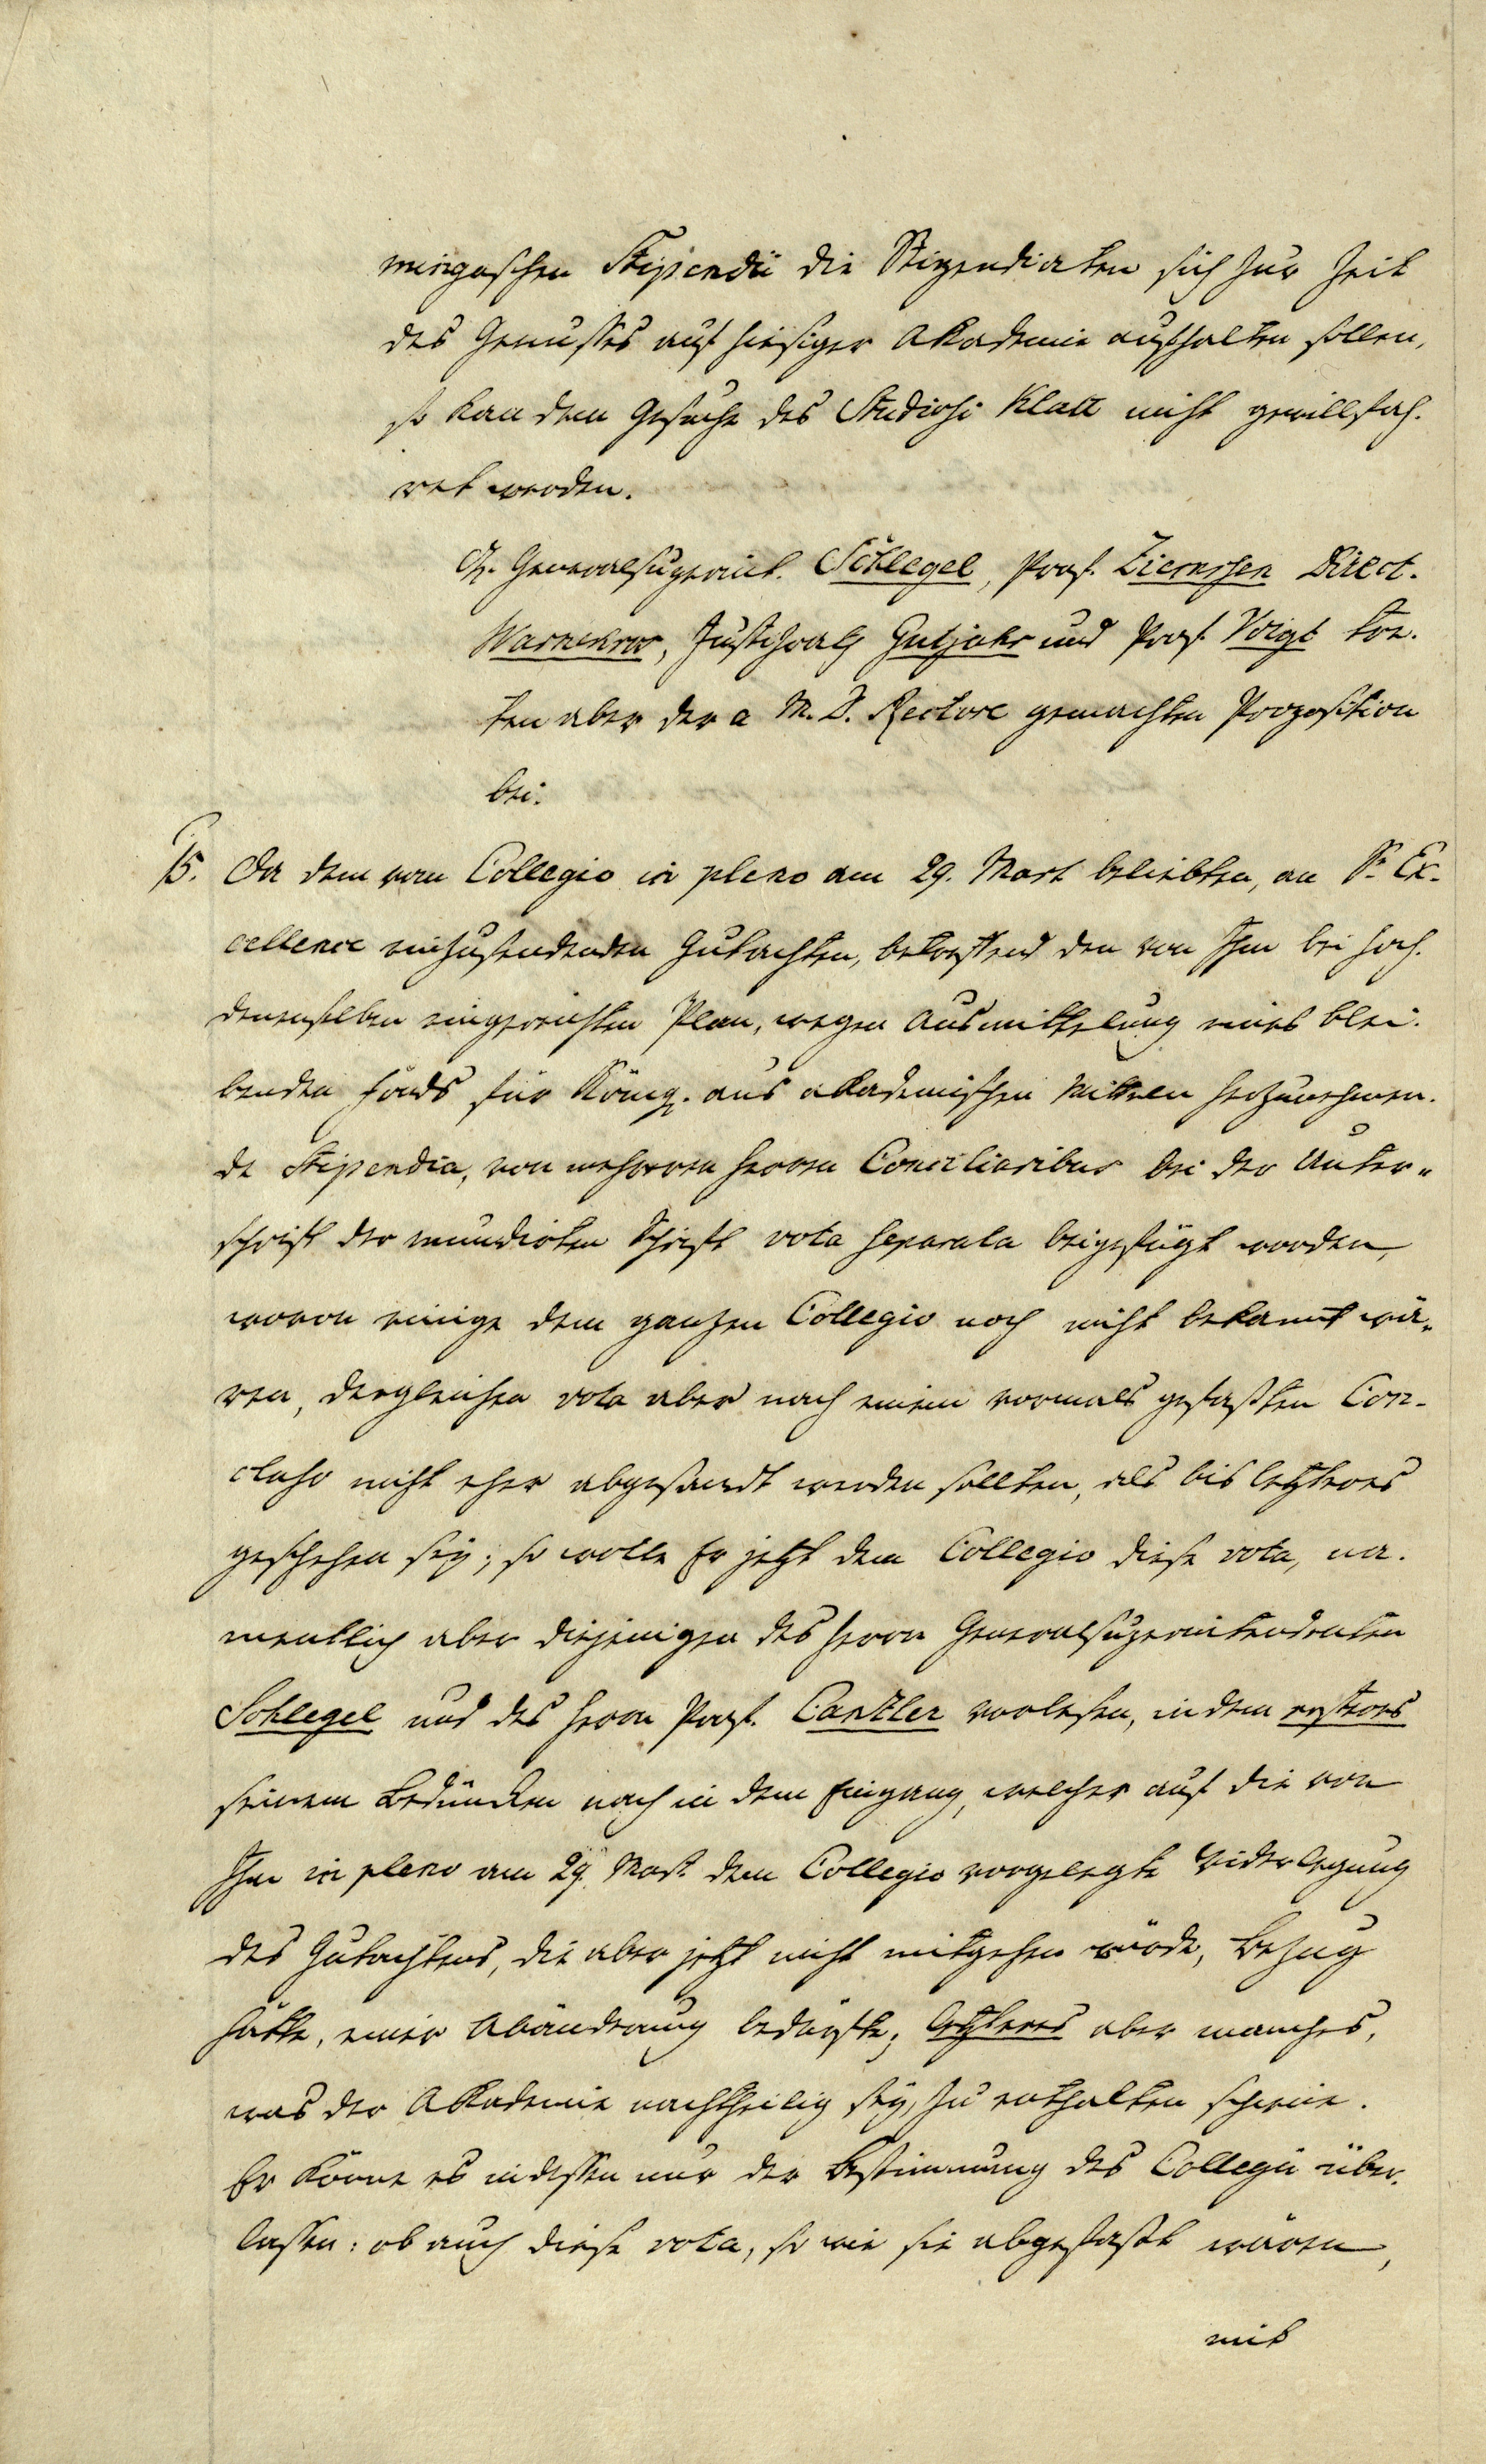mingaschen Stipendii die Stipendiaten sich zur Zeit
des Genusses auf hiesiger Akademie aufhalten sollen,
so kan dem Gesuche des Studiosi Klatt nicht gewillfah¬
ret werden.
dh. Generalsuperint Schlegel, Prof. Ziemssen Direct.
Warnekros, Justizrath Gutjahr und Prof Voigt tre¬
ten aber der a M. D. Rectore gemachten Proposition
bei.
15. Da dem vom Collegio in pleno am 29. Mart beliebten, an Sr Ex¬
cellence einzusendenden Gutachten, betreffend den von Ihm bei hoch¬
denenselben eingereichten Plan, wegen Ausmittelung eines bei¬
benden Fonds für König. aus akademischen Mitteln herzunehmen¬
de Stipendia, von mehreren Herren Conciliaribus bei der Unter¬
schrift der mundirten Schrift vota separata beigefügt worden,
wovon einige dem ganzen Collegio noch nicht bekannt wä¬
ren, dergleichen vota aber nach einem vormals gefaßten Con¬
cluso nicht eher abgesandt werden sollten, als bis letzteres
geschehen seÿ; so wolle Er jetzt dem Collegio diese vota, na¬
mentlich aber diejenigen des Herrn Generalsuperintendenten
Schlegel und des Herrn Prof. Canzler vorlesen, indem ersteres
seinem Bedüncken nach in dem Eingang, welcher auf die von
Ihm in pleno am 29 Mart dem Collegio vorgelegte Widerlegung
des Gutachtens, die aber jetzt nicht mitgehen würde, Bezug
hätte, einer Abänderung bedürfte; letzteres aber manches,
was der Akademie nachtheilig seÿ, zu enthalten scheine.
Er könne es indessen nur der Bestimmung des Collegii über¬
lassen, ob auch diese vota, so wie sie abgefaßt wären,
mit